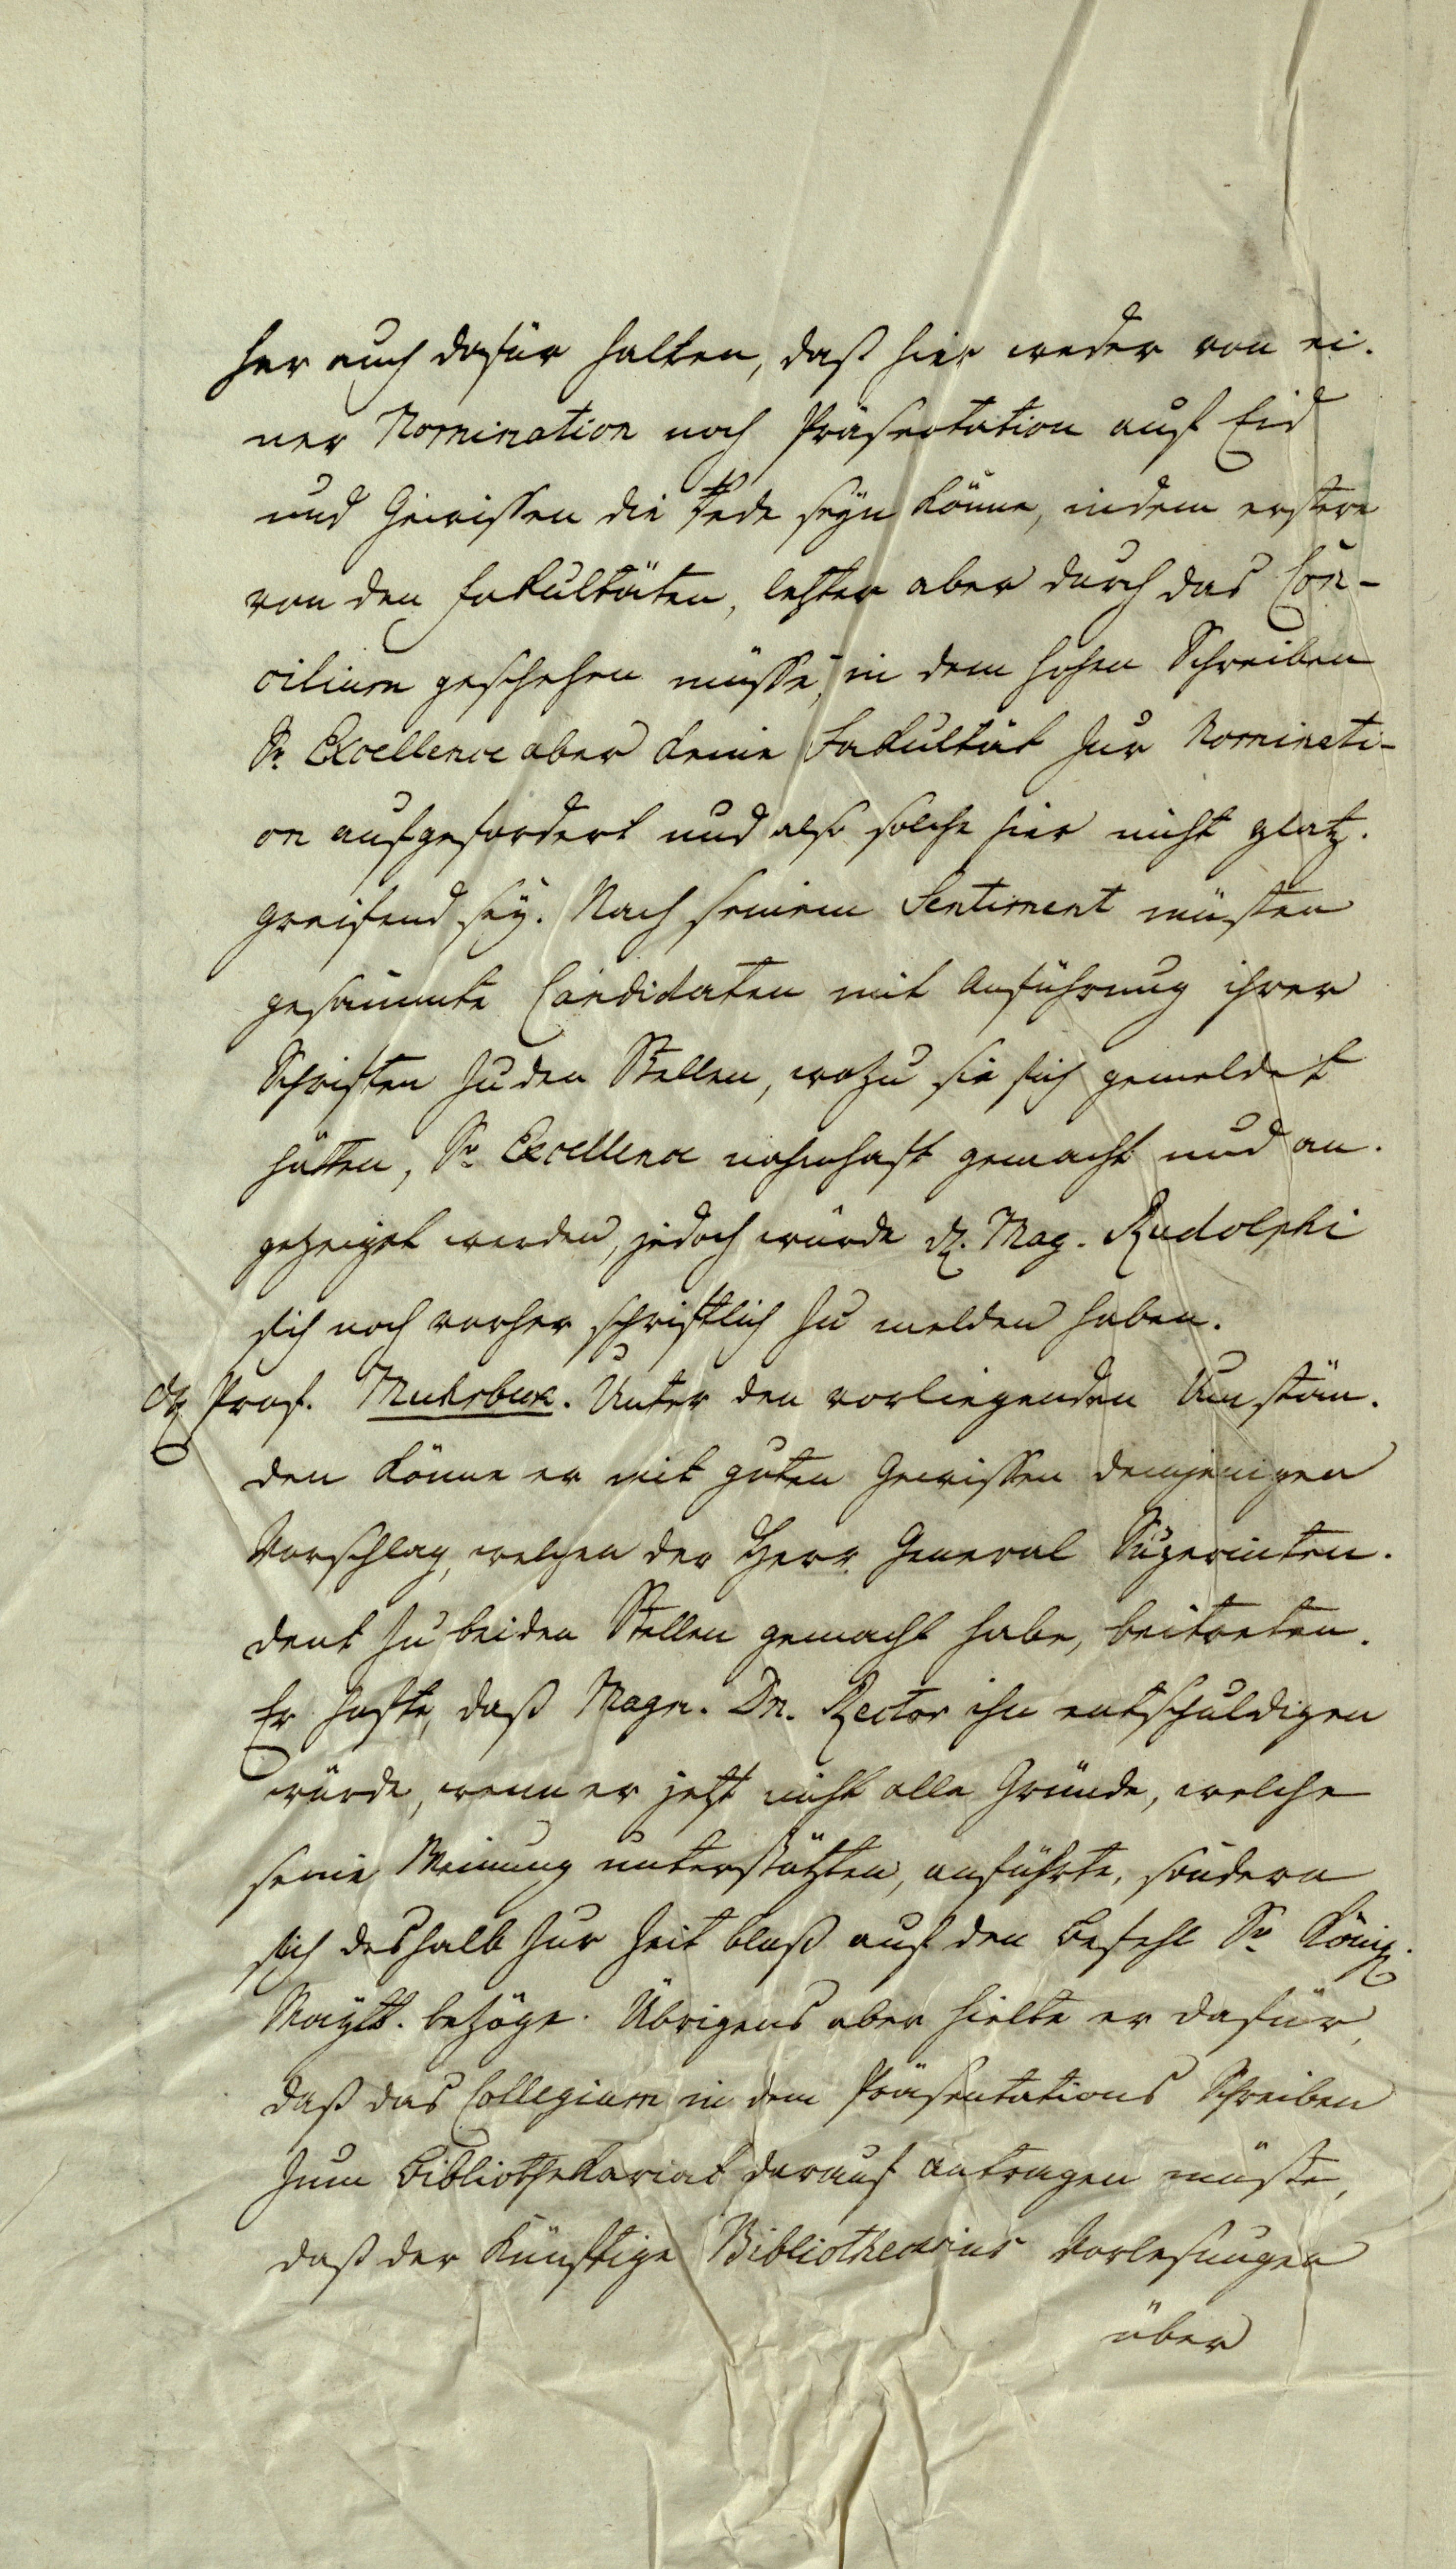her auch dafür halten, daß hier weder von ei¬
ner Nomination noch Präsentation auf Eid
und Gewissen die Rede seÿn könne, indem erstere
von den Fakultäten, letzter aber durch das Con¬
cilium geschehen müsse, in dem hohen Schreiben
Sr. Excellence aber keine Fakultät zur Nominati¬
on aufgefordert und also solche hier nicht platz¬
greifend seÿ. Nach seinem Sentiment müssten
gesammte Candidaten mit Anführung ihrer
Schriften zu den Stellen, wozu sie sich gemeldet
hätten, Sr. Excellence nahmhaft gemacht und an¬
gezeiget werden, jedoch würde dh. Mag. Rudolphi
sich noch vorher schriftlich zu melden haben.
dh. Prof. Muhrbeck. Unter den vorliegenden Umstän¬
den könne er mit guten Gewissen demjenigen
Vorschlag, welchen der Herr General Superinten¬
dent zu beiden Stellen gemacht habe, beitreten.
Er hofte, daß Magn. Dn. Rector ihn entschuldigen
würde, wenn er jetzt nicht alle Gründe, welche
seine Meinung unterstützten, anführte, sondern
sich deshalb zur Zeit bloß auf den Befehl Sr. Königl.
Maÿst. bezöge. Übrigens aber hielte er dafür,
daß das Collegium in dem Präsentations Schreiben
zum Bibliothekariat darauf antragen müsste,
daß der künftige Bibliothecarius Vorlesungen
über